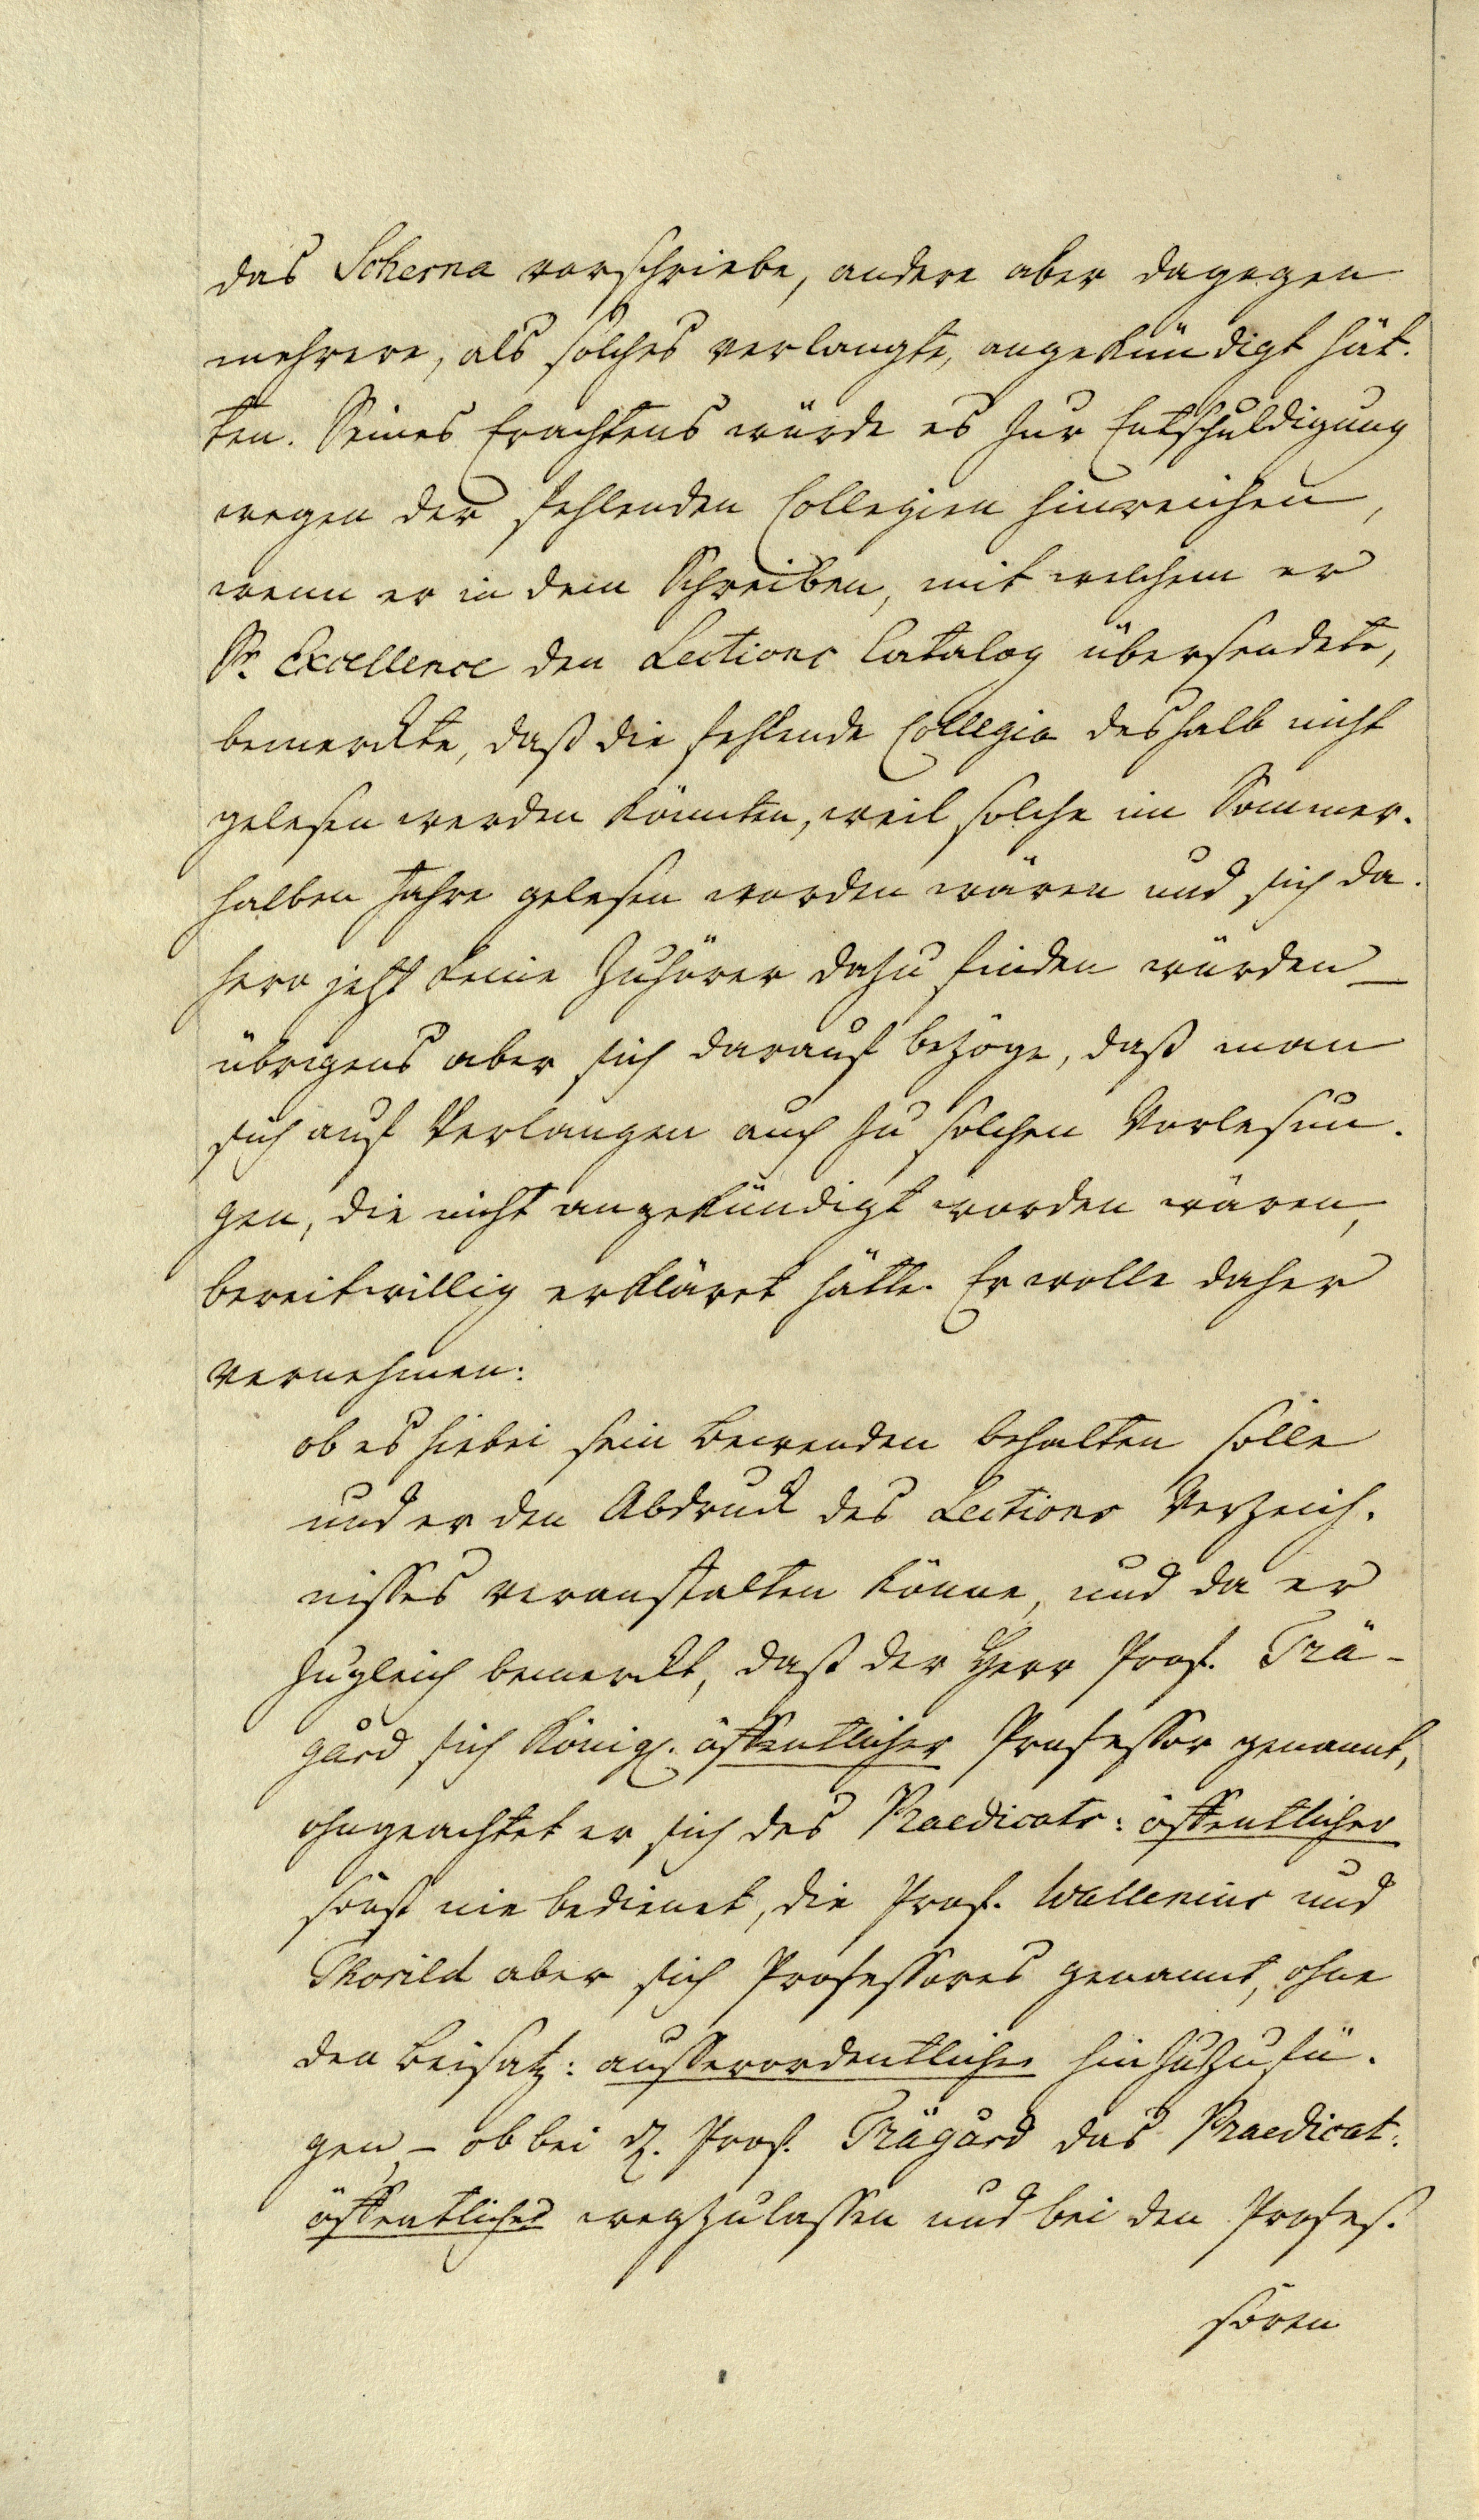das Schema vorschriebe, andere aber dagegen
mehrere, als solches verlangte, angekündigt hät¬
ten. Seines Erachtens würde es zur Entschuldigung
wegen der fehlenden Collegien hinreichen,
wenn er in dem Schreiben, mit welchem er
Sr Excellence den Lections Catalog übersendete,
bemerckte, daß die fehlenden Collegia deshalb nicht
gelesen werden könnten, weil solche im Sommer¬
halben Jahre gelesen worden wären und sich da¬
hero jetzt keine Zuhörer dazu finden würden -
übrigens aber sich darauf bezöge, daß man
sich auf Verlangen auch zu solchen Vorlesun¬
gen, die nicht angekündigt worden wären,
bereitwillig erkläret hätte. Er wolle daher
vernehmen:
ob es hiebei sein Bewenden behalten solle
und er den Abdruck des Lections Verzeich¬
nisses veranstalten könne, und da er
zugleich bemerckt, daß der Herr Prof. Trä¬
gård sich Königl. öffentlicher Professor genannt,
ohngeachtet er sich des Praedicats: öffentlicher
sonst nie bedienet, die Prof. Wallenius und
Thorild aber sich Professores genannt, ohne
den Beisatz außerordentlicher hinzuzufü¬
gen - ob bei dh. Prof. Trägård das Praedicat
öffentlicher wegzulassen und bei den Profes¬
soren